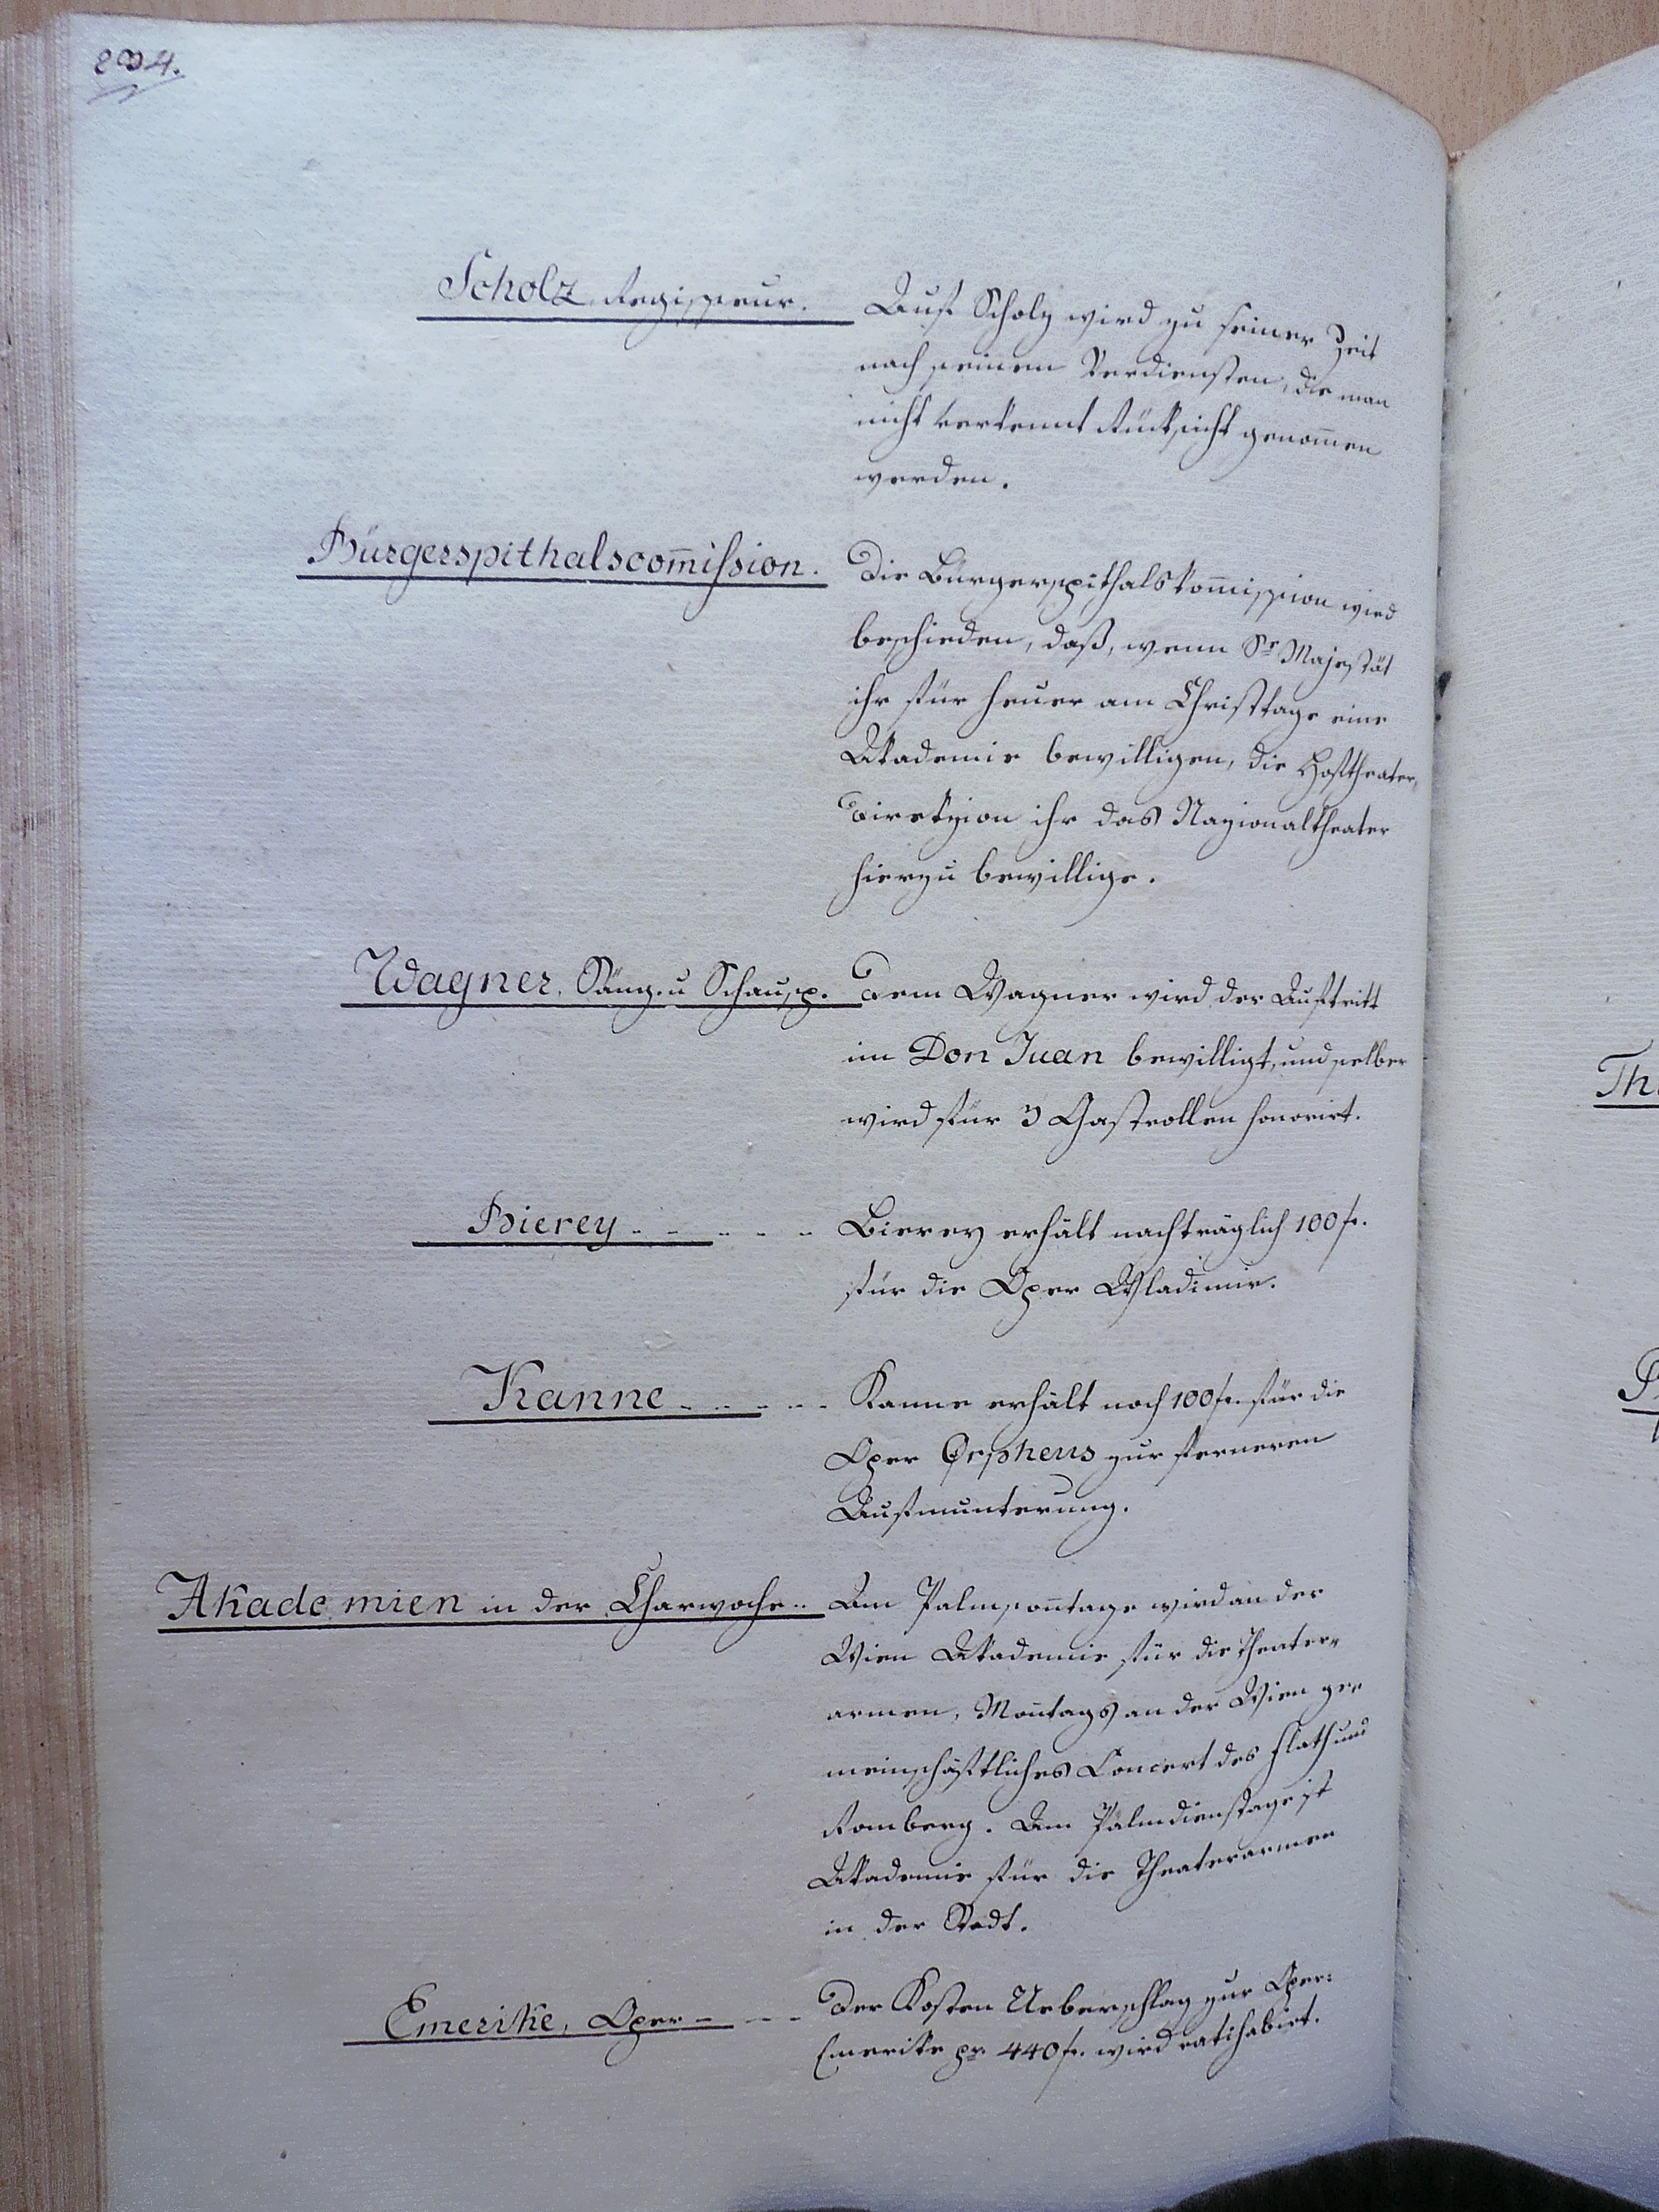234.
Scholz, Regisseur. Auf Scholz wird zu seiner Zeit
nach seinen Verdiensten, die man
nicht verkennt Rücksicht genom̅en
werden.
Bürgerspithalscom̅ission. Die Bürgerspithalskom̅ission wird
beschieden, daß, wenn Se͇ Majestät
ihr für heuer am Christtage eine
Akademie bewilligen, die Hoftheater
Direkzion ihr das Nazionaltheater
hierzu bewillige.
Wagner, Säng. u Schausp. Dem Wagner wird der Auftritt
im Don Juan bewilligt, und selber
wird für 3 Gastrollen honorirt.
Bierey .. .. .. .. .. Bierey erhält nachträglich 100fr.
für die Oper Wladimir.
Kanne .. .. .. .. .. Kanne erhält noch 100fr. für die
Oper Orpheus zur ferneren
Aufmunterung.
Akademien in der Charwoche .. Am Palmson̅tage wird an der
Wien Akademie für die Theater¬
armen, Montags an der Wien ge¬
meinschäftliches Concert des Flath und
Romberg. An Palmdienstage ist
Akademie für die Theaterarmen
in der Stadt.
Emerike, Oper _ .. .Der Kosten Ueberschlag zur Oper:
Emerike pr͇. 440fr. wird ratihabirt.